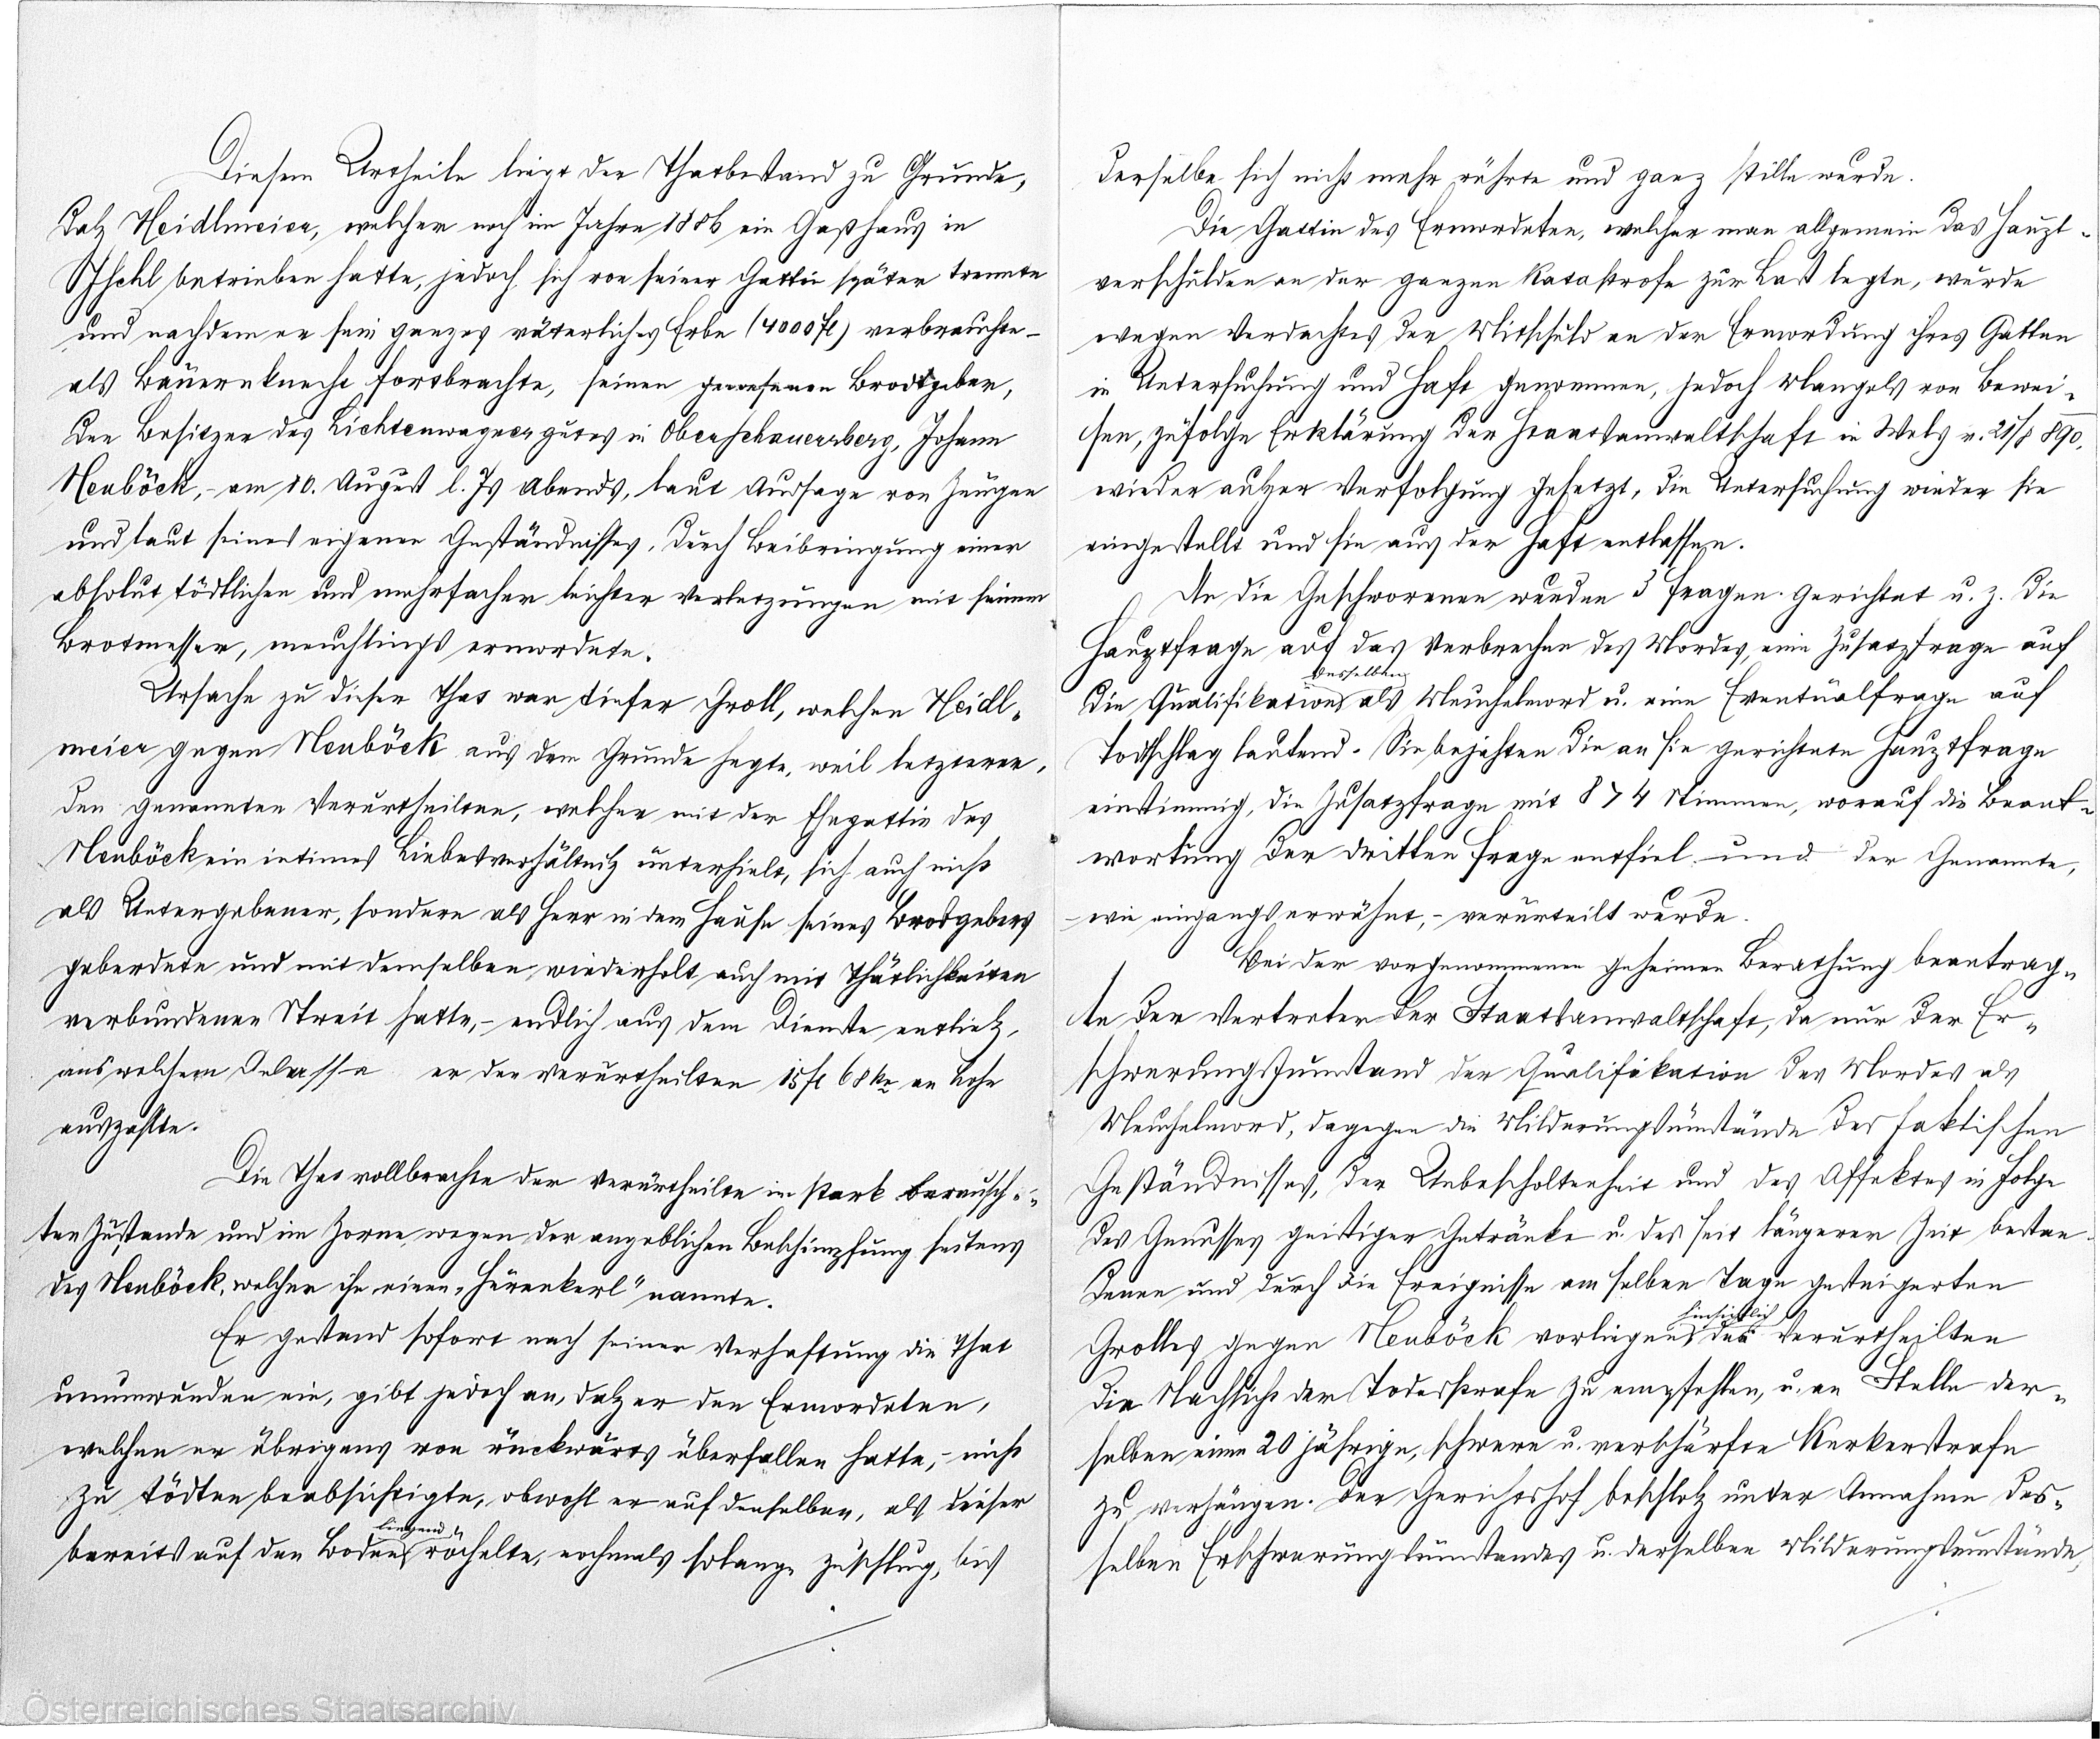Diesem Urtheile der Thatbestand zu Grunde,
daß Heidlmeier, welcher noch im Jahre 1886 ein Gaßhaus in
Pfehl betrieben hatte, jedoch sich von seiner Gattin später trennte
und nachdem er sein ganzes väterliches Erbe (4000 fl) verbrauchte -
als Bauernknecht fortbrachte, seinen gewesenen Brotgeber,
den Besitzer des Lichtenwagnen gutes in Oberschauersberg, Johann
Heuböck, - am 10. August l. Is Abends, laut Aussage von Zeugen
und laut seines eigenen Geständnisses, durch Beibringung einer
absolut tödtlichen und mehrfacher leichter Verletzungen mit seinen
Brotmesser, meuchlings ermordete.
Ursache zu diesen That war tiefer Groll, welchen Heidl¬
meier gegen Neuböck aus dem Grunde hegte, weil letzterer,
den genannten Verurtheilten, welcher mit der Ehegattin des
Neuböck ein intimes Liebesverhältniß unterhielt, sich auch nicht
als Untergebener, sondere als Heer in dem Hause seines Brosgeberg
geberdete und mit demselben wiederholt auch mit Thätlichkeiten
verbundenen Streit hatte,- endlich aus dem Dienste entließ,
ans welchem xx er der verurtheilten 15fl 68 kr an Lohe
auszahlte.
Die That vollbrachte der verurtheilte im stark Berausch¬
ten Zustande und im Zorne, wegen der angeblichen Beschimpfung seitens
des Neuböck, welcher ihn einen „Heuenkerl“ nannte.
Er gestand sofort nach seiner Verhaftung die That
xxunden ein, gibt jedoch an, daß er den Ermordeten,
welchen er übrigens von rückwärts überfallen hatte,- nicht
zu tödten beabsichtigte, obwohl er auf denselben, als dieser
liegend
bereits auf den Boden röchelte, nochmals solange zuschlug, ließ
derselbe sich nicht mehr rührte und ganz stille wurde.
Die Gattin des Ermordeten, welcher man allgemein das Haupt¬
verschulden an der ganzen Katastrofe zur Last legte, wurde
wegen Verdachtes der Mitschuld an der Ermordung ihres Gattan
in Untersuchung und Haft genommen, jedoch Mangels von Bewei¬
sen, zufolge Erklärung der Hxxanwaltschaft in Wely v. 21/8 890.
wieder außer verfolgung gesetzt, die Untersuchung wieder sie
eingestellt und sie aus der Haft entlassen.
Den die Geschworenen wurden 3 Fragen Gerichtet u. z. die
Hauptfrage auf des Verbrechen des Mordes, eine Zusatzfrage auf
desselben
die Qualifikation als Meuchelmord u. eine Eventualfrage auf
Todtschlag lautend. Sie bejahten die an sie gerichtete Hauptfrage
einstimmig, die Zusatzfrage mit 8>4 Stimmen, worauf die Beant¬
wortung der dritten Frage entfiel und der Genannte,
- wie eingangserwxxhnt,- verurteilt wurde.
Bei der vorgenommenen Geheimen Berathung beantrag¬
te der Vertreter der Staatsanwaltschaft, da nur der Er¬
schwerungsumstand der Qualifikation des Mordes als
Meuchelmord, dagegen die Milderungsumstände der faktischen
Geständnisses, der Unbescholtenheit und des Affektes in Folge
des Genusses geistiger Getränke u. des seit längeren Zeit bestan¬
denen und durch die Ereignisse am helben Tage gesteigerten
hinsichtlich
Grolles gegen Neuböck vorliegen des Verurtheilten
die Nachsicht der Todesstrafe zu empfehlen, u. an Stelle der¬
selben eine 20 jährige, schwere u. verschärfte Kerkerstrafe
zu verhängen. Der Gerichtshof beschloß unter Annahme des¬
selben Erschwerungsumstandes u. derselben Milderungsumstände